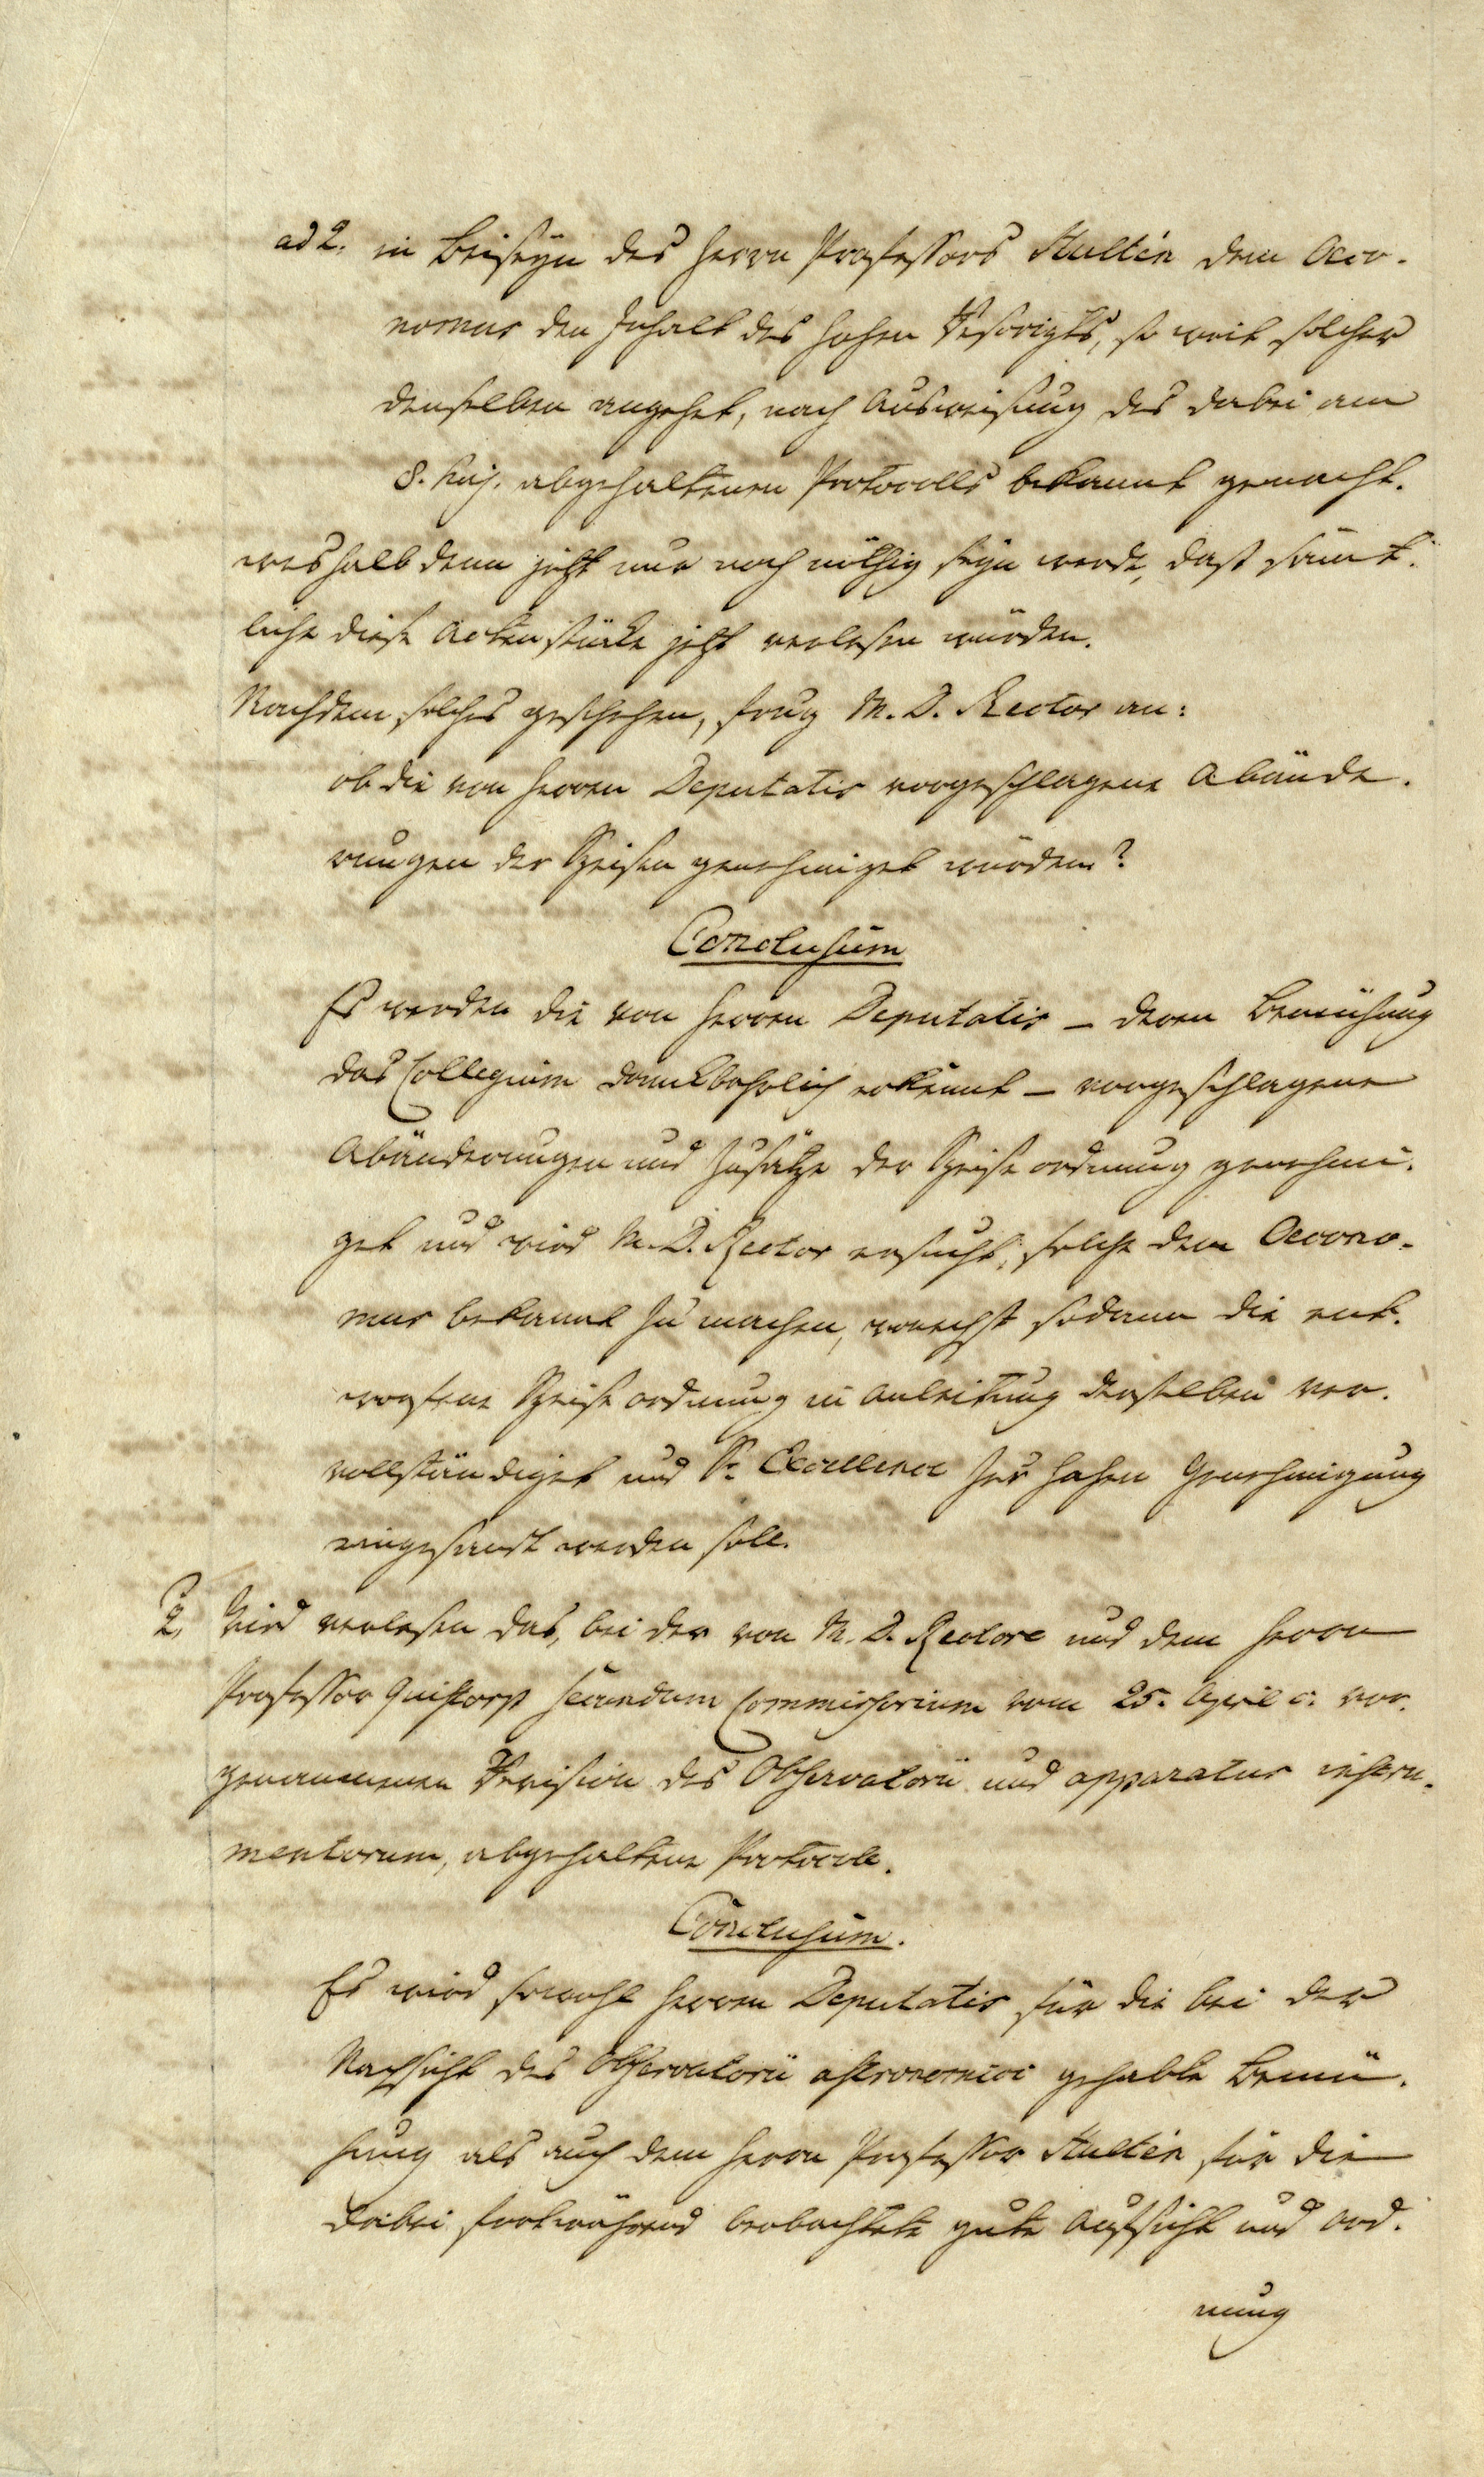ad 2. im Beisein des Herrn Professors Hultén dem Oeco¬
nomus den Inhalt des hohen Rescripts, so weit solcher
denselben angehet, nach Ausweisung des dabei am
8. huj. abgehaltenen Protocolls bekannt gemacht.
weshalb denn jetzt nur noch nöthig seÿn werde, daß sämt¬
liche diese Actenstücke jetzt verlesen würden.
Nachdem solches geschehen, frug M. D. Rector an,
ob die von Herren Deputatis vorgeschlagene Abände¬
rungen der Speisen genehmiget würden?
Conclusum
Es werden die von Herren Deputatis deren Bemühung
das Collegium danckbahrlich erkennt vorgeschlagene
Abänderungen und Zusätze der Speiseordnung genehmi¬
get und wird M. D. Rector ersucht, solche dem Oecono¬
mus bekannt zu machen, wonechst sodann die ent¬
worfene Speiseordnung in Anleitung derselben ver¬
vollständiget und Sr. Excellence zur hohen Genehmigung
eingesandt werden soll.
2. Wird verlesen das, bei der von M. D. Rectore und dem Herrn
Professor Quistorp secundum Commissorium vom 25. April c. vor¬
genommenen Revision des Observatorii und apparatus instru¬
mentorum, abgehaltene Protocoll.
Conclusum
Es wird sowohl Herren Deputatis für die bei der
Nachsicht des Observatorii astronomici gehabte Bemü¬
hung als auch dem Herrn Professor Hultén für die
dabei fortwährend beobachtete gute Aufsicht und Ord¬
nung